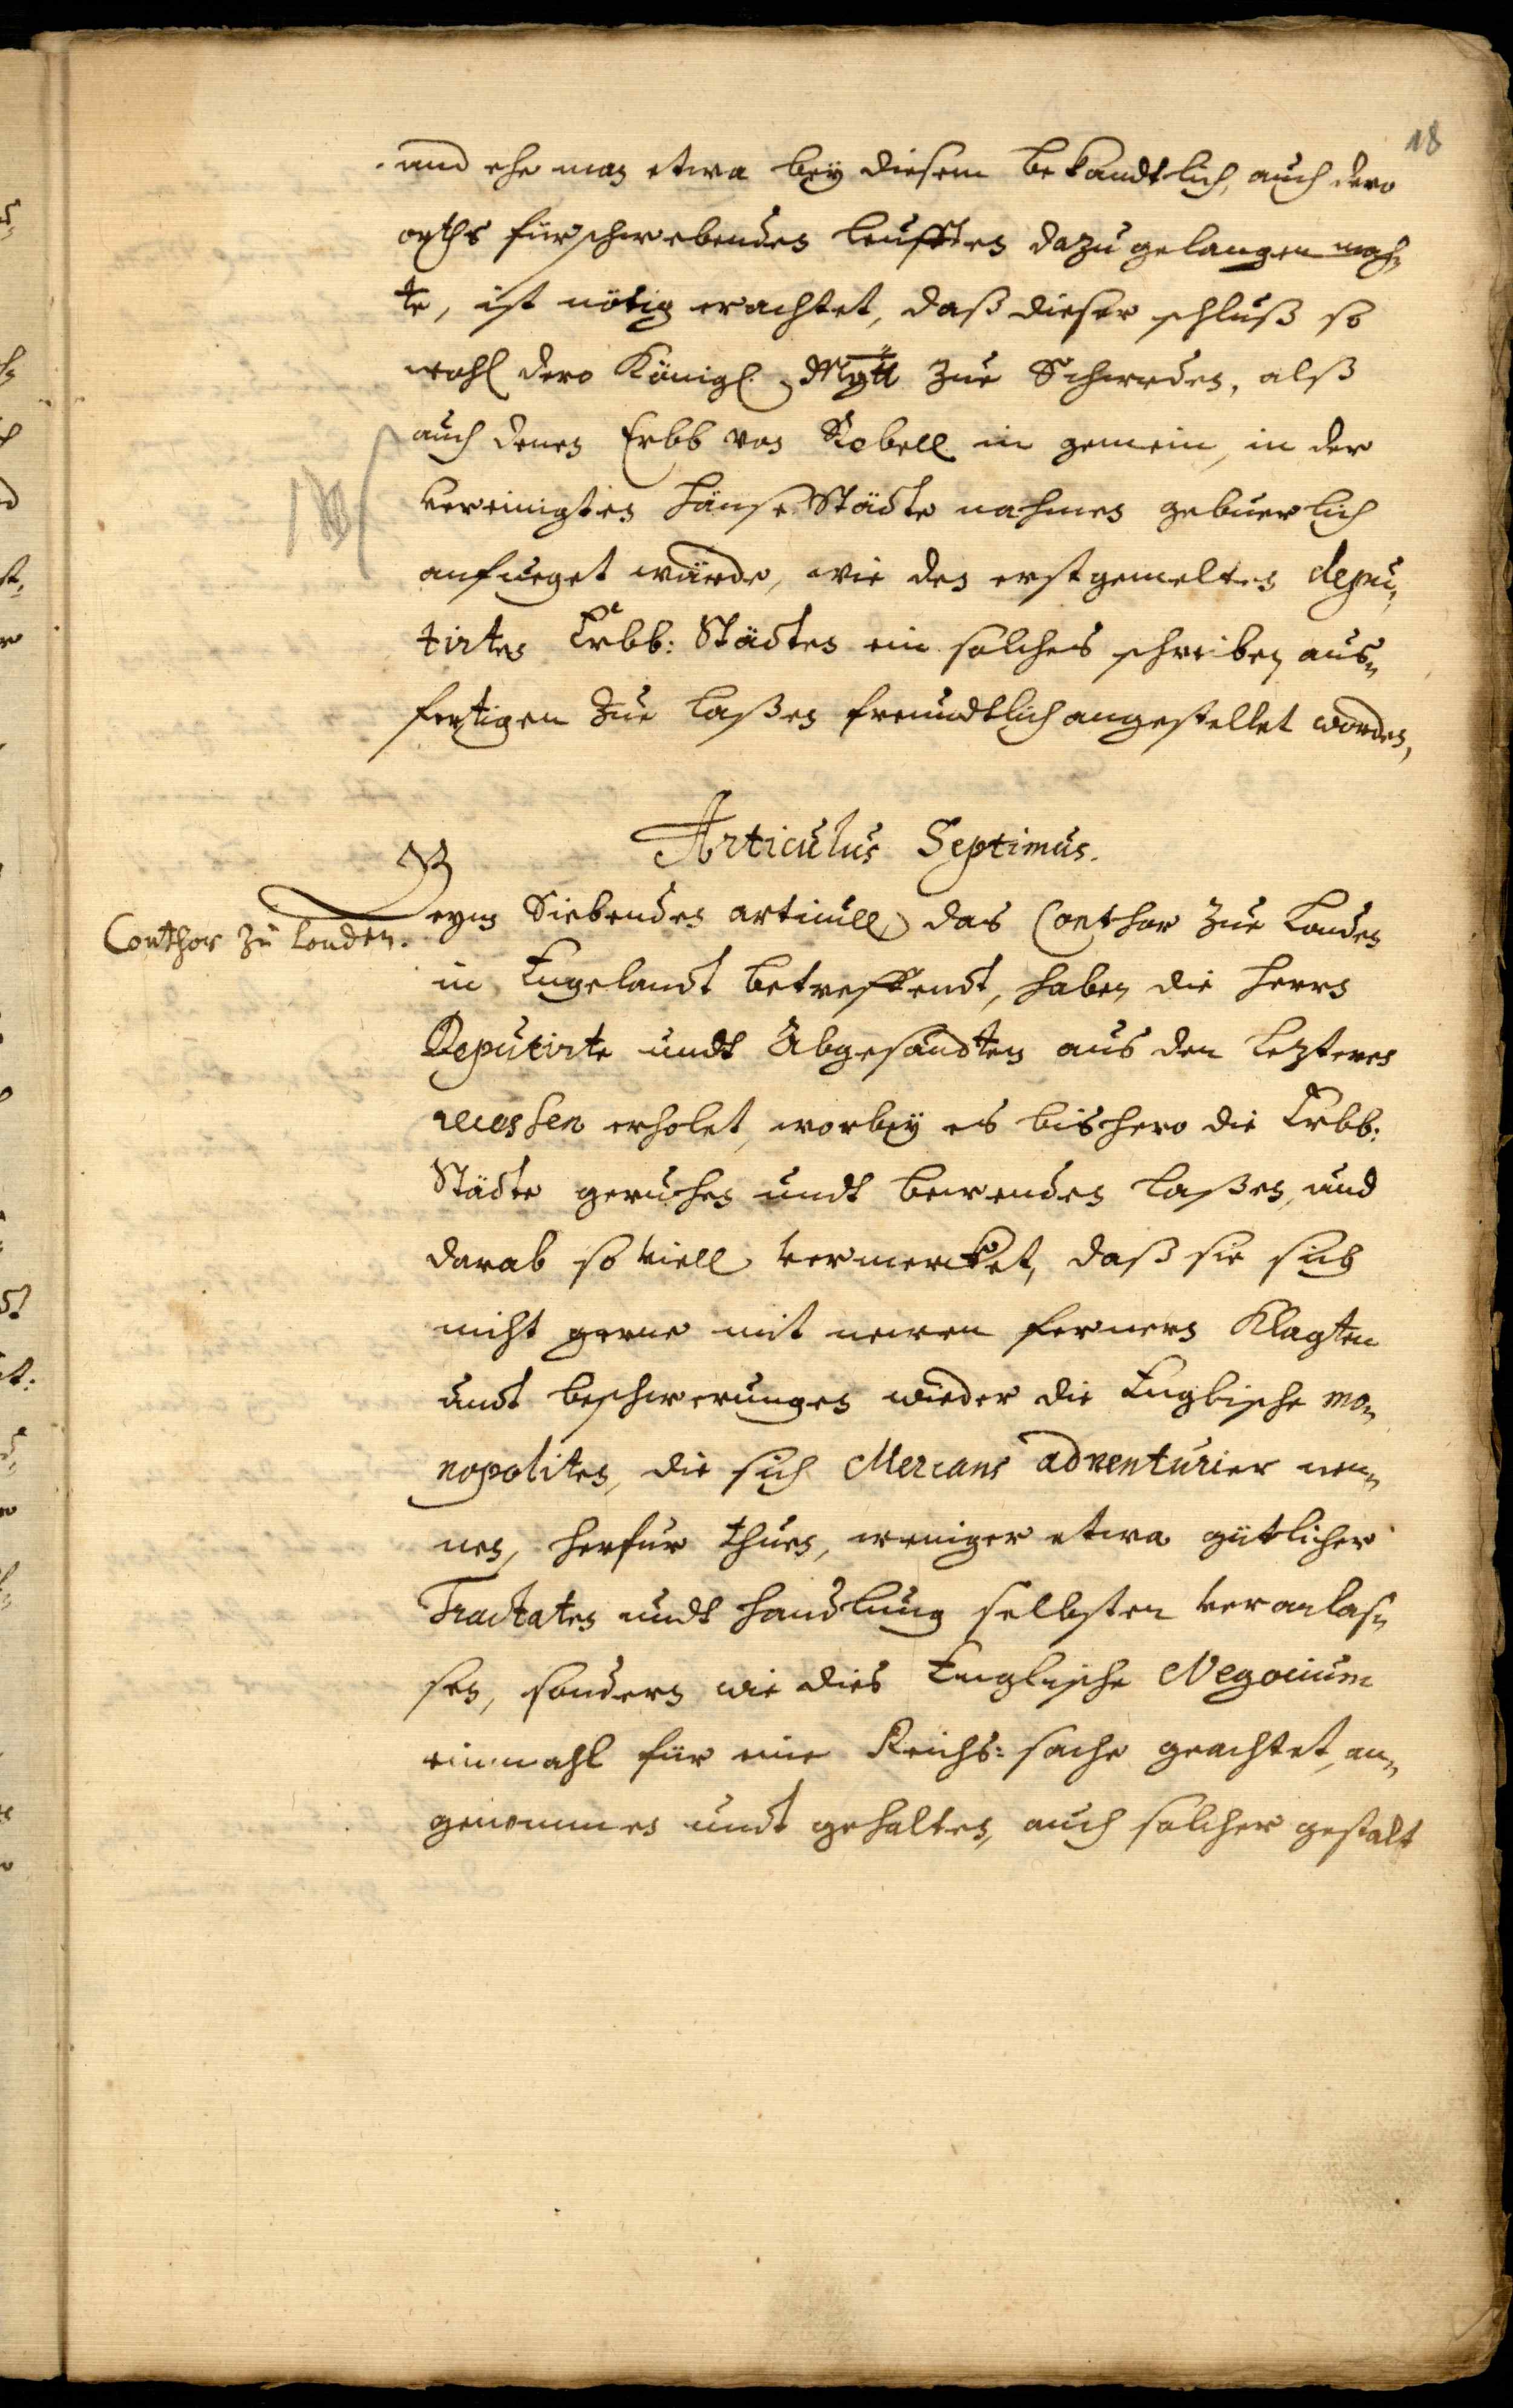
18
und ehe man etwa beij diesem bekandtlich, auch dero
orths fürschwebenden leufften dazu gelangen moch¬
te, ist nötig erachtet, daß dieser schluß so
wohl dero Königl. Mijtt zue Schweden, alß
auch denen Erbb von Revell in gemein, in der
Vereinigten hänse Städte nahmen gebuerlich
anfueget wärde, wie den erstgemelten depu¬
tirten Erbb: Städten ein solches schreiben aus¬
fertigen zue laßen freundtlich angestellet worden,
Conthor zu Londen.
Articulus Septimus.
Beym Siebenden articull, das Conthor zue Londen
in Engelandt betreffendt, haben die herren
Deputirte undt Abgesandten aus den lezteren
recessen erholet, worbeij es bishero die Erbb:
Städte geruhen undt bewenden laßen, und
darab so viell vermercket, daß sie sich
nicht gerne mit newen ferneren Klagten
undt beschwerungen wieder die Englische mo¬
nopoliten, die sich Mercans adventurier nen¬
nen, herfur thuen, weniger etwa gütlicher
Tractaten undt handlung selbsten veranlas¬
sen, sondern wie dies Englische Negocium
einmahl für eine Reichs:sache geachtet, an¬
genommen undt gehalten, auch solcher gestalt
